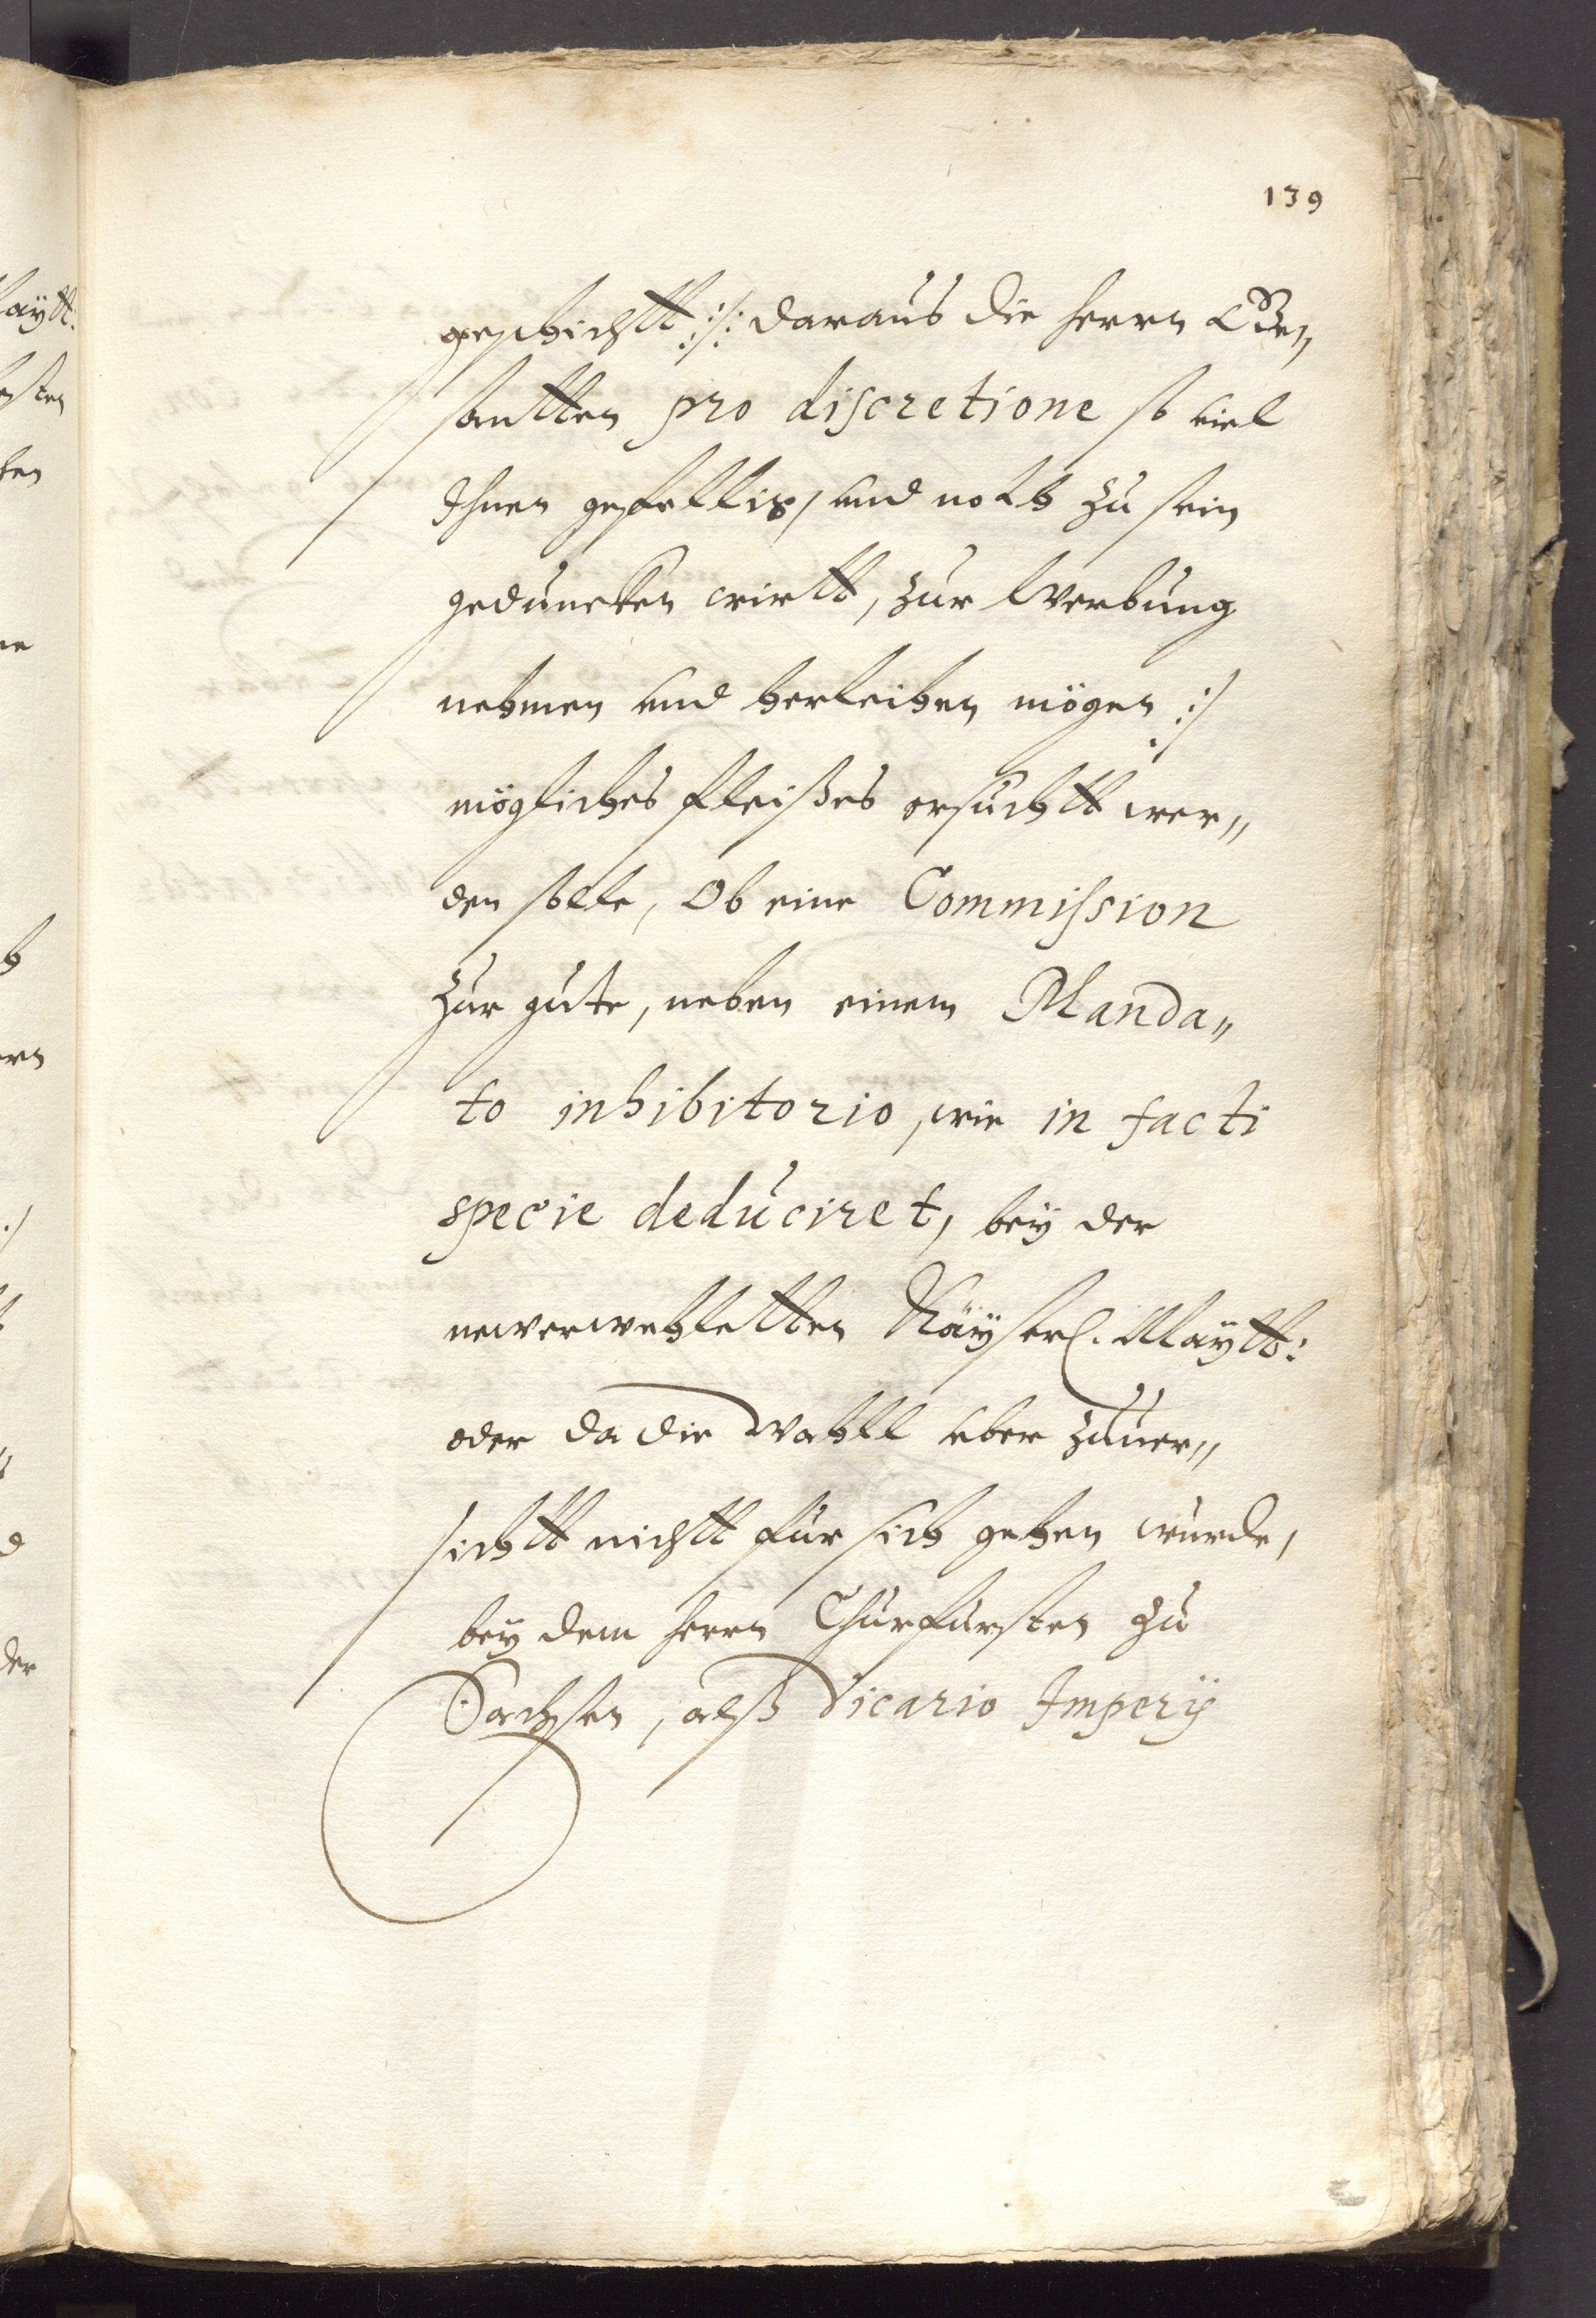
139
geschichtt :|: daraus die herrn Ge¬
santten pro discretione so viel
Ihnen gefellig, vnd noch zu sein
geduncken wirtt, zur werbung
nehmen vnd herleihen mögen :|
mögliches fleißes ersuchtt wer¬
den solle, ob eine Commission
zur gute, neben einem Manda¬
to inhibitorio, wie in facti
specie deduciret, beij der
newerwehletten Käijserl. Maijtt:
oder da die wahll vber zuuer¬
sichtt nichtt fur sich gehen wurde,
beij dem herrn Churfursten zu
Sachsen, alß Vicario Imperij
